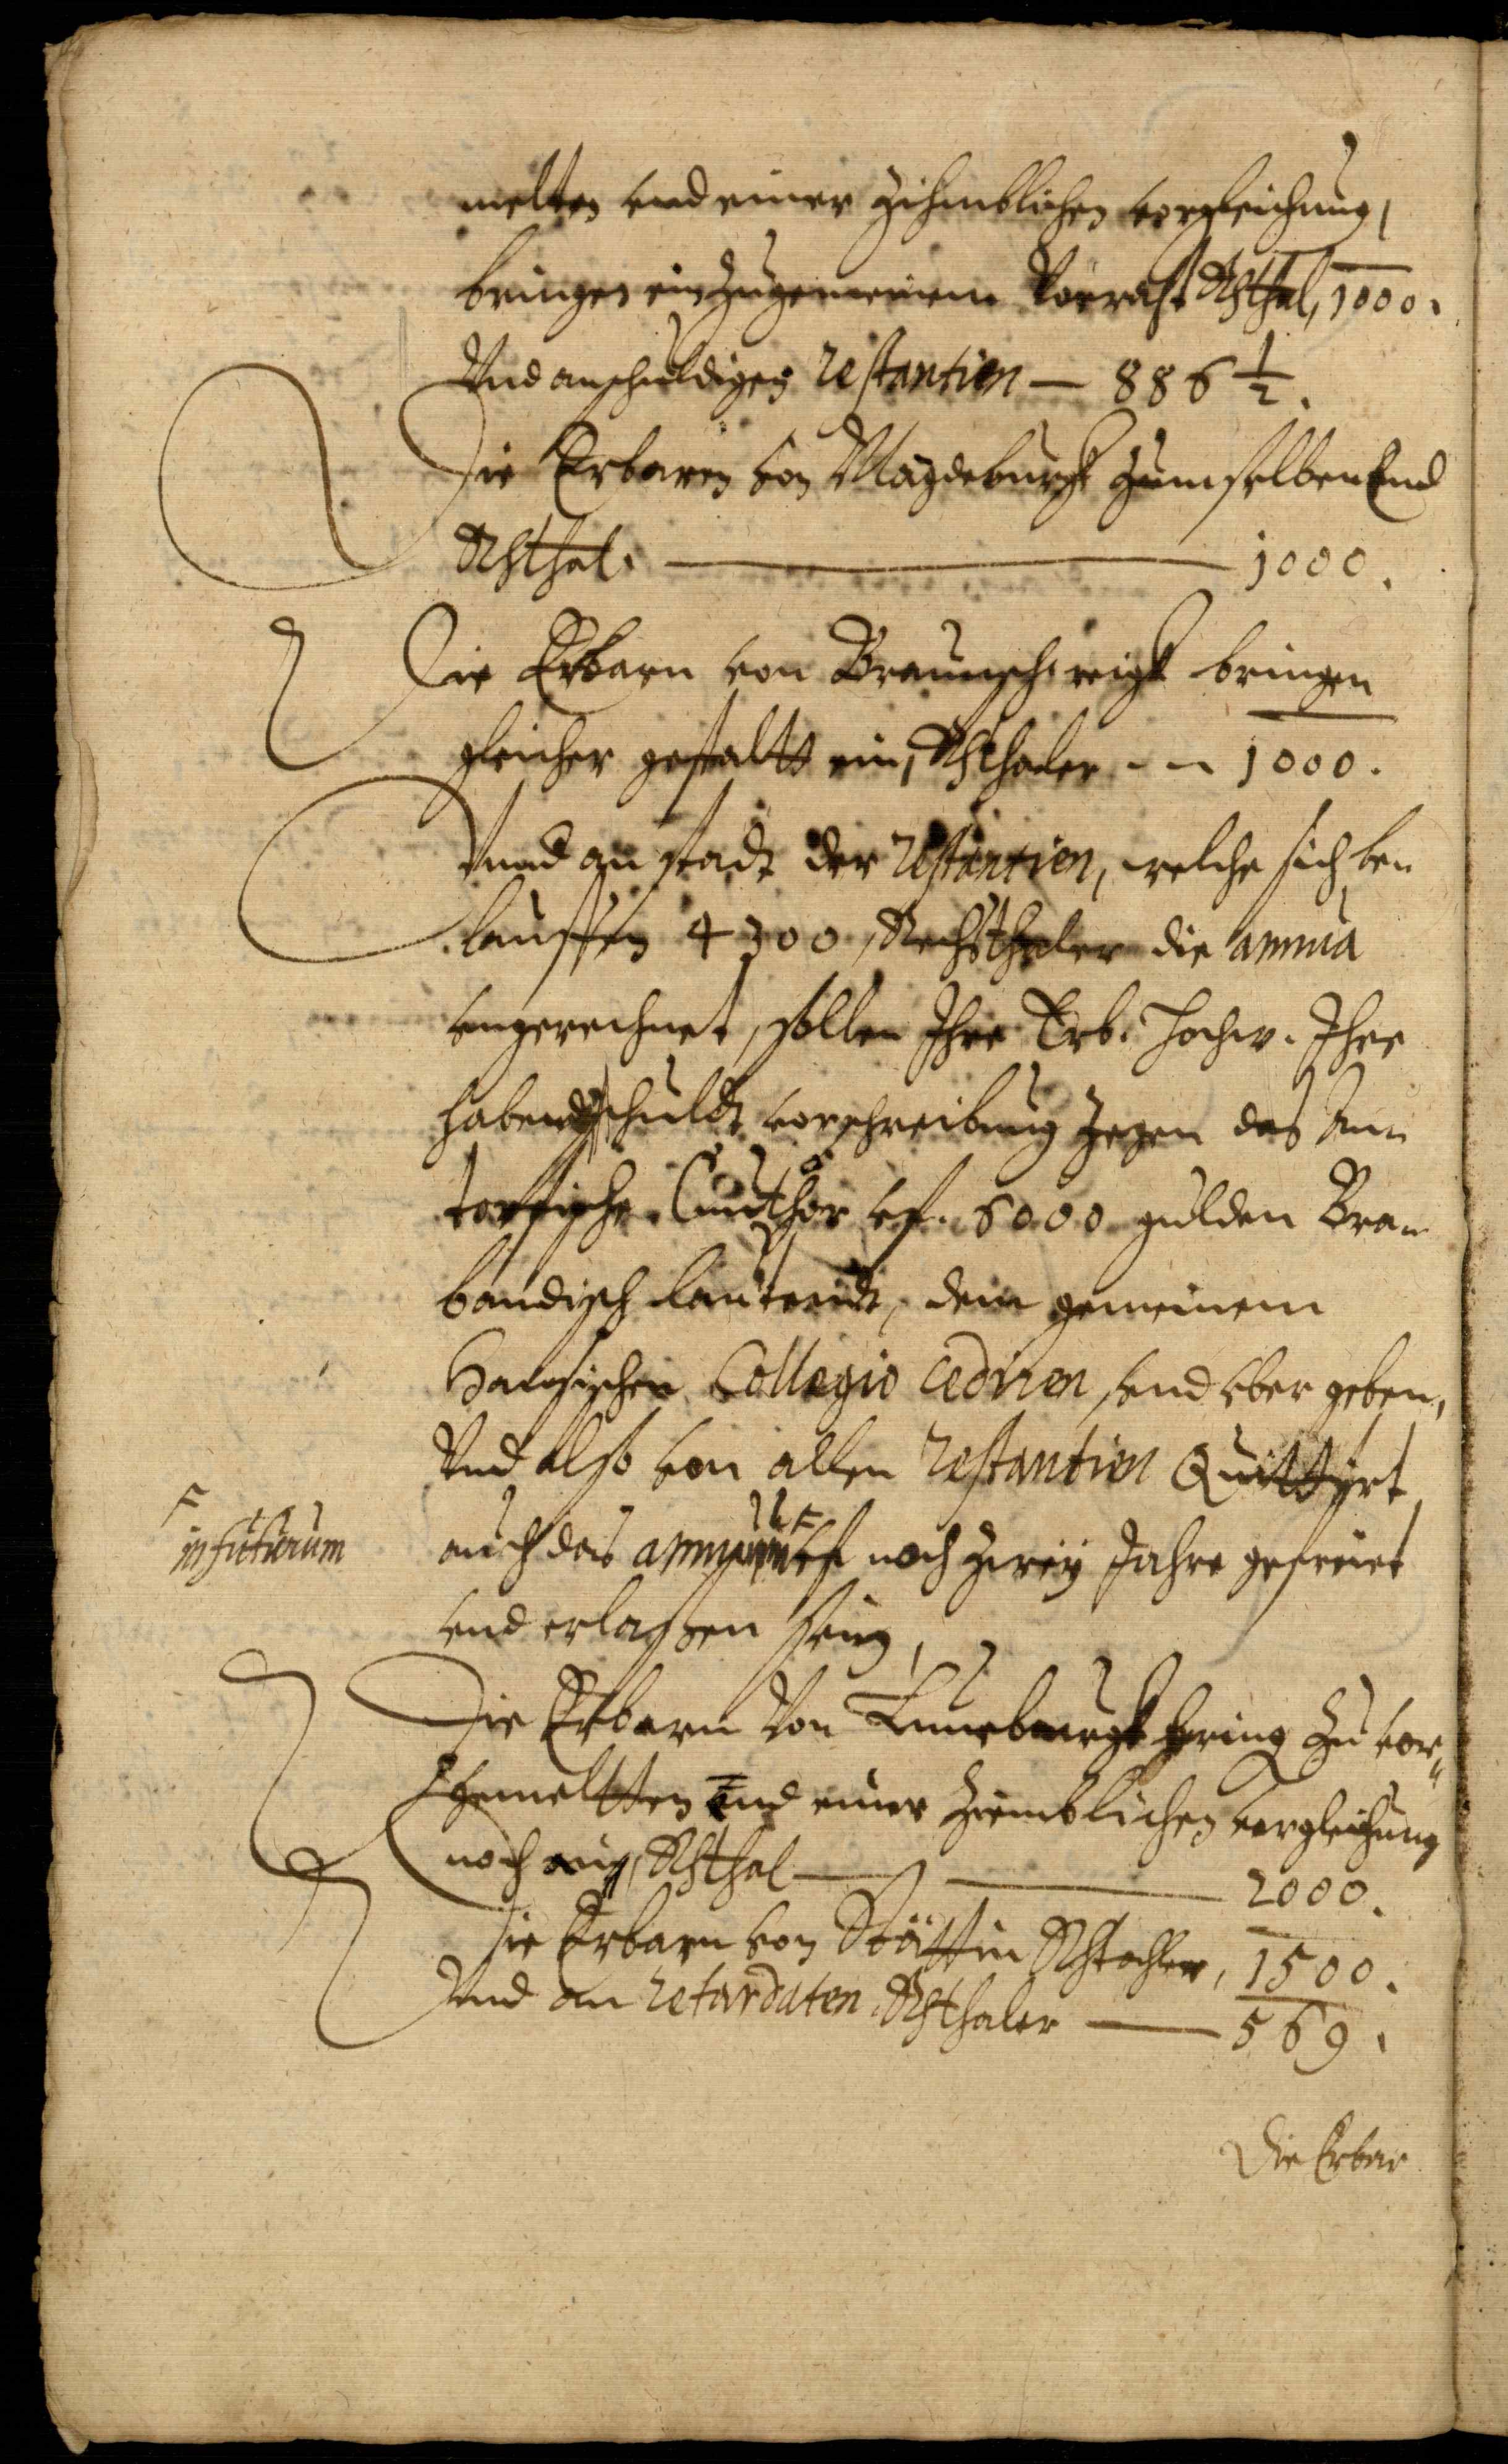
melten vnd einer zihmblichen vorgleichung,
bringen ein zugemeinem vorraht Reichsthaler, 1000.
vnd anschuldigen restantien _ 886 ½.
Die Erbarn von Magdeburgk zum selben End
Reichsthaler _ 1000.
Die Erbarn von Braunschwigk bringen
gleicher gestaltt ein, Reichsthaler _ 1000.
Vnd an stadt der restantien, welche sich be¬
lauffig 4300., Reichsthaler die annua
vmgerechnet, sollen Ihre Erb. hochw. Ihre
habendt schuld vorschreibung Jegen das An¬
torfische Cunthor vf 6000 gulden Bra¬
bantisch lautend, dem gemeinem
Hansischen Collegio cediren, vnd vber geben,
Vnd also von allen restantien Quittirt,
F
auch das annuum noch zweij Jahre gefreiet
vnd erlaßen sein,
Die Erbarn von Luneburgk bringen zu vor¬
gemeltten vnd einer ziemblichen vergleichung
noch ein, Rhthal _ 2000.
Die Erbarn von Stättin Rhtahler, 1500.
vnd an retardaten, Rhthaler _ 569.
Die Erbar
F
in futurum
